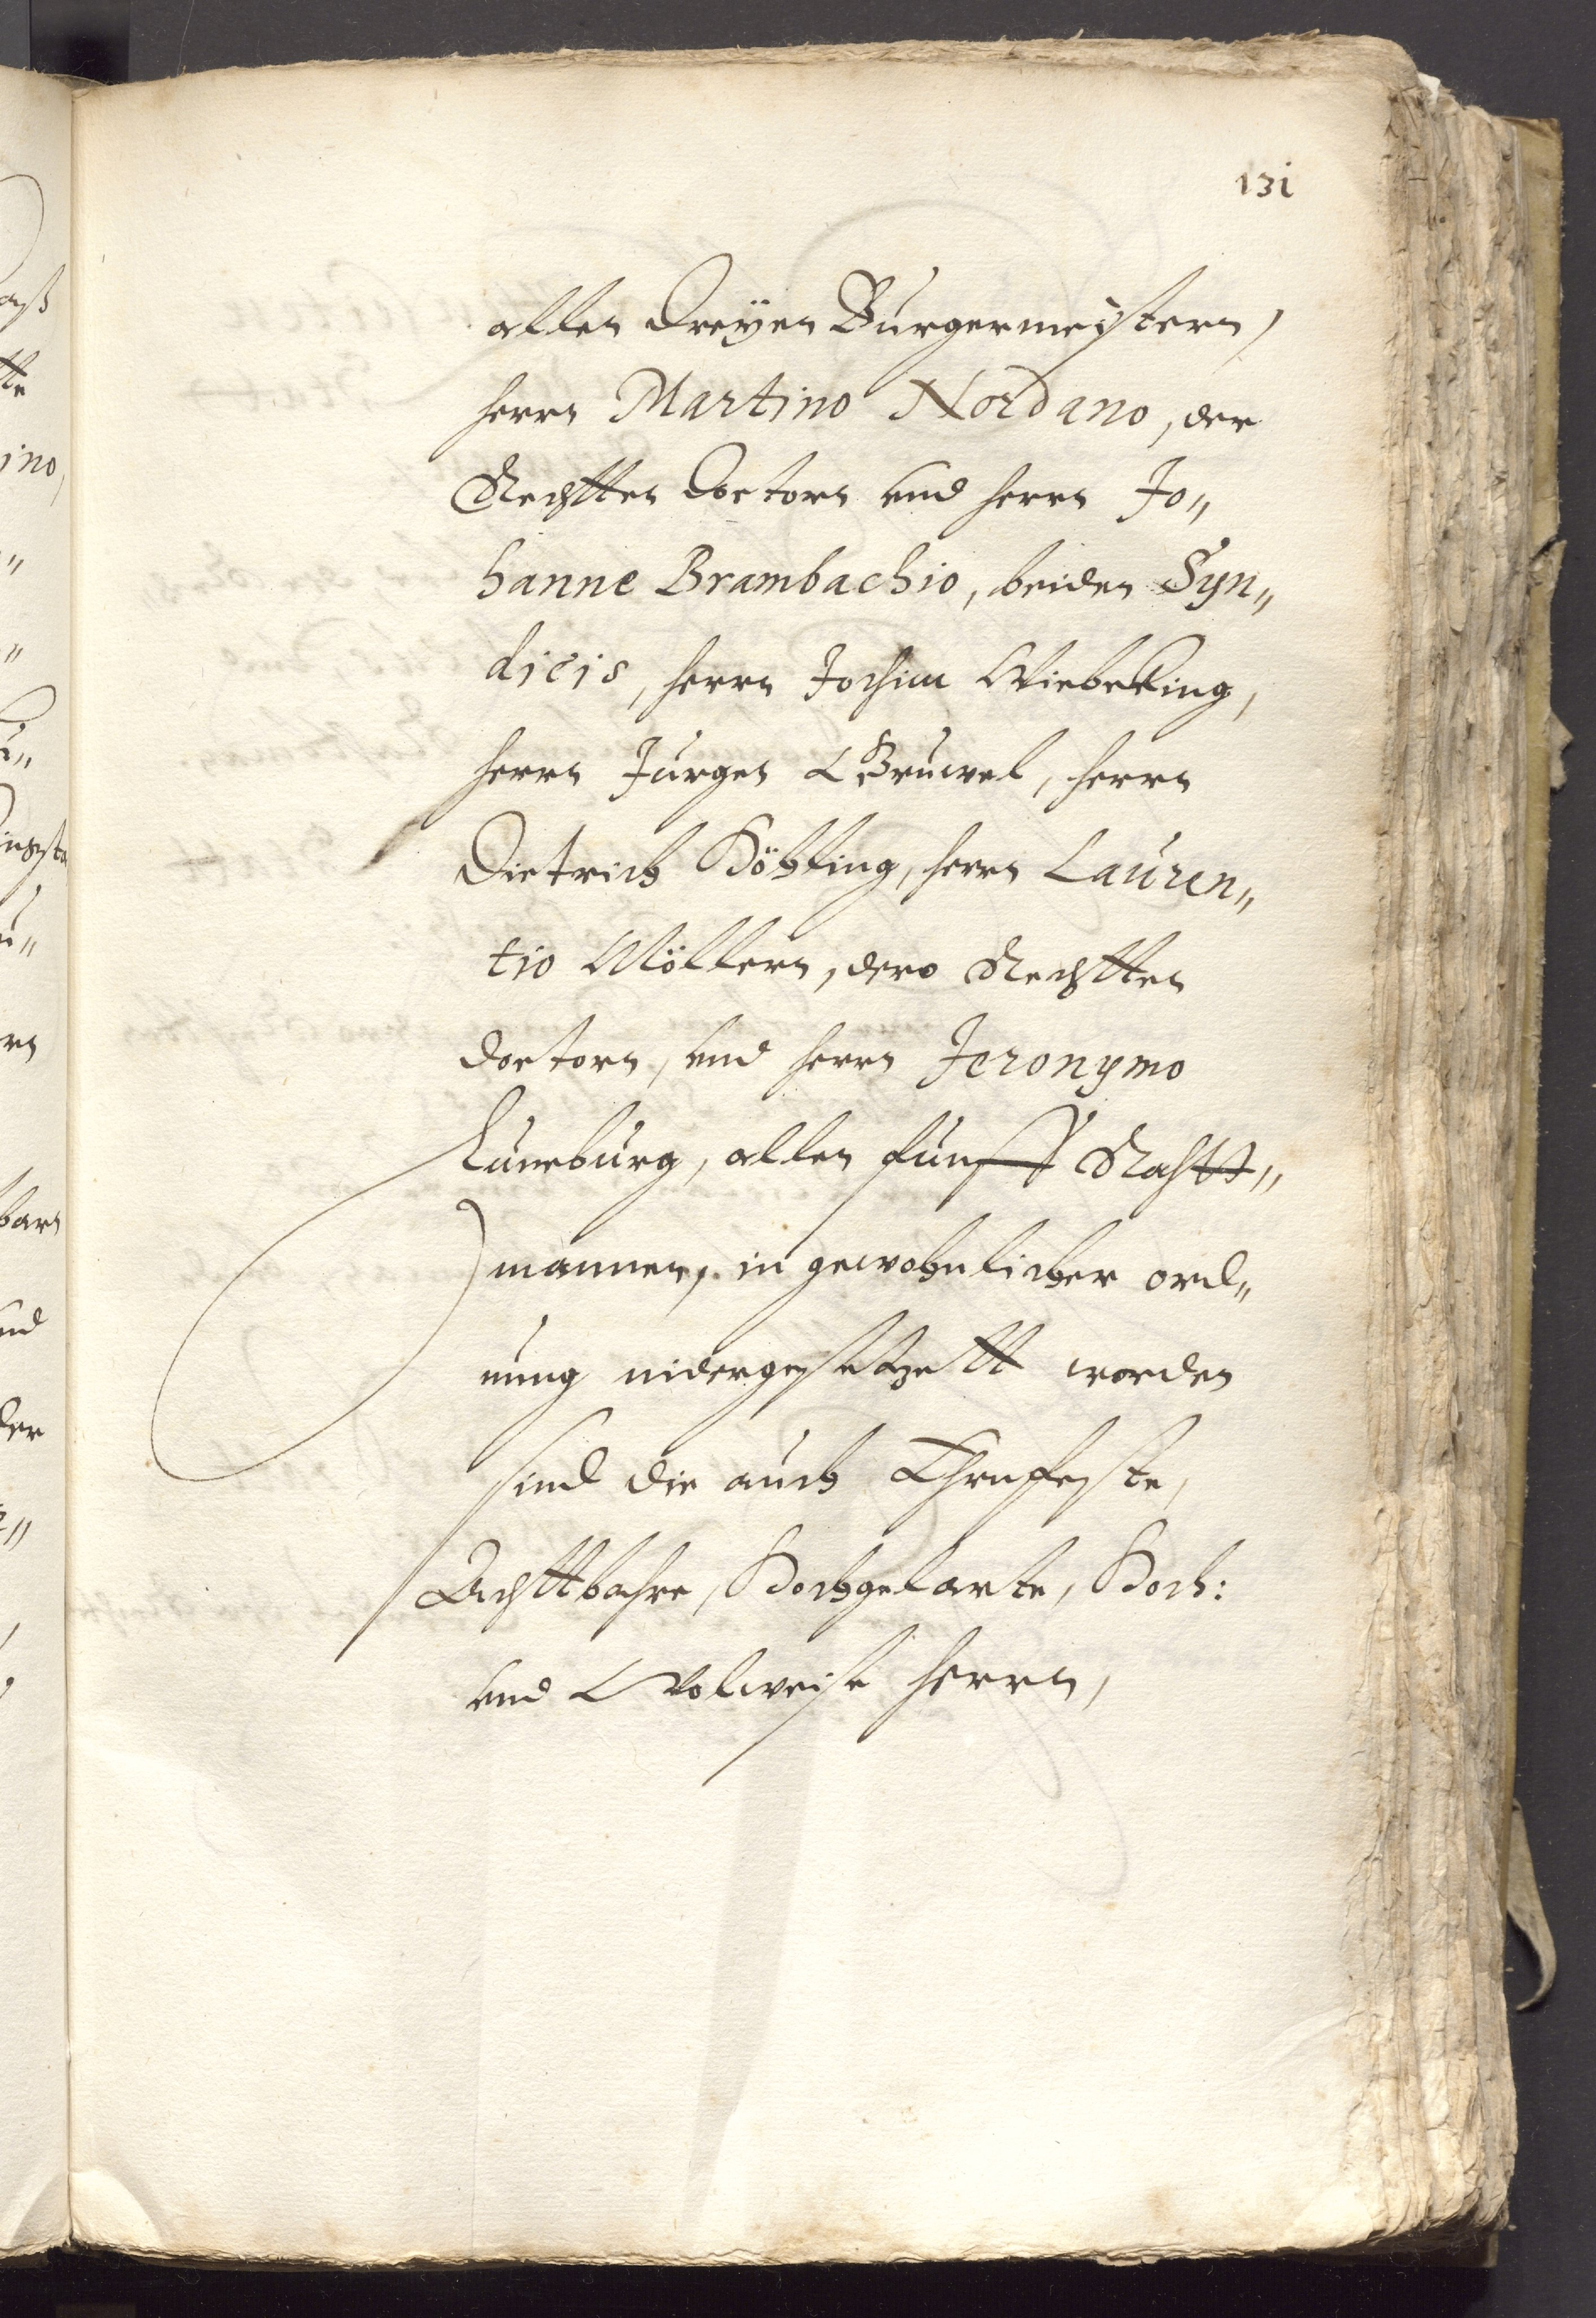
131
allen dreijen Burgermeistern,
herrn Martino Nordano, der
Rechtten Doctorn vnd herrn Jo¬
hanne Brambachio, beiden Syn¬
dicis, herrn Jochim Wiebeking,
herrn Jurgen Gruwel, herrn
Dietrich Höhling, herrn Lauren¬
tio Möllern, dero Rechtten
Doctorn, vnd herrn Jeronymo
Luneburg, allen funff Rahtt¬
mannen, in gewohnlicher ord¬
nung nidergesetzett worden
sind die auch Ehrnfeste,
Achttbahre, Hochgelarte, Hoch:
vnd Wolweise herrn,
